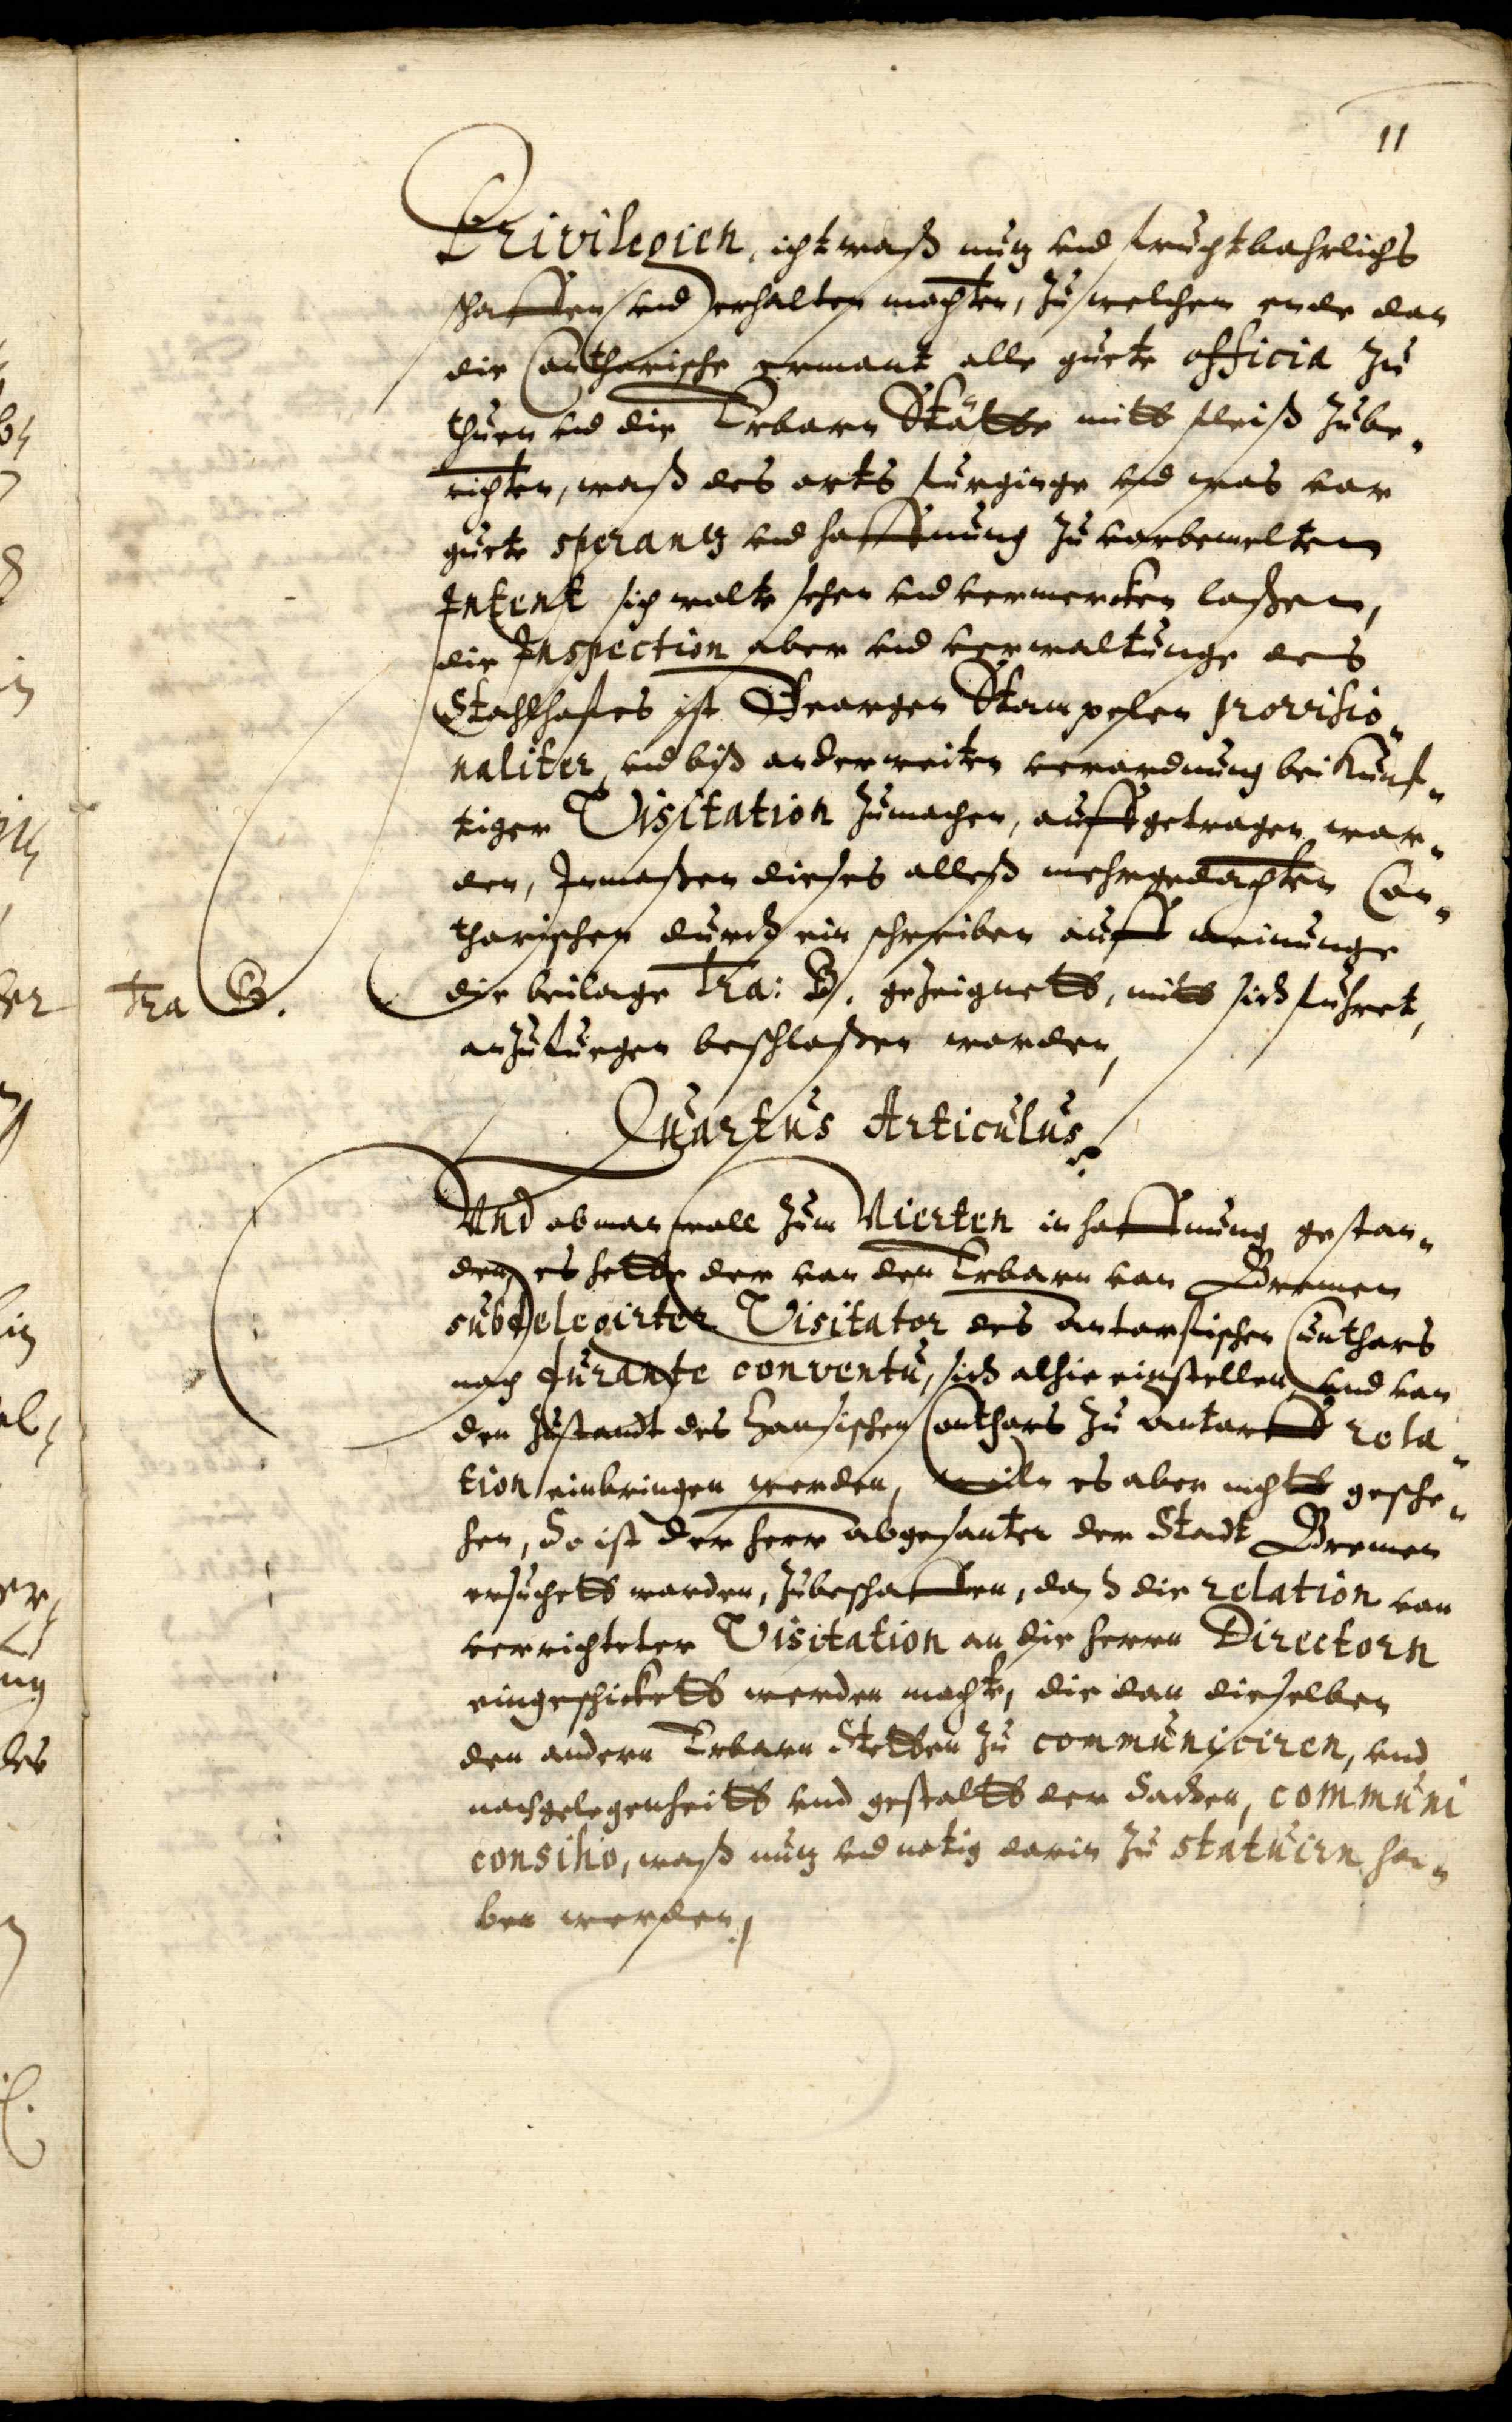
11
tra B.
Privilegien, icht waß nutz vnd fruchtbahrlichs
schaffen vnd erhalten mochten, zu welchem ende dan
die Conthorische ermant alle guete officia zu
thun vnd die Erbarn Stätte mitt fleiß zube¬
richten, waß des orts furginge vnd was vor
guete sperantz vnd hoffnung zu verbemelten
Intent sich wolte sehen vnd vermercken laßen,
die Inspection aber vnd verwaltunge des
Stahlhofes ist Georgen Stampelen provisio¬
naliter, vnd biß anderweiten verordnung bei kunf¬
tiger Visitation zumachen, auffgetragen wor¬
den, Inmaßen dieses alleß mehrgedachten Con¬
thorischen durch ein schreiben auff meinunge
die beilage tra: B. gezeignett, mitt sich fuhret,
anzutuegen beschloßen worden,
Quartus Articulus p
Vnd ob man woll zum Vierten in hoffnung gestan¬
den, es hette der von den Erbarn von Bremen
subdelegirter Visitator des Antorfischen Cunthors
noch durante conventu, sich alhir einstellen vnd van
den zustandt des Hansischen Conthors zu Antorff rela¬
tion einbringen werden, weiln es aber nichtt gesche¬
hen, So ist der herr Abgesante der Stadt Bremen
ersuchett worden, zubeschaffen, daß die relation van
verrichteter Visitation an die herrn Directorn
eingeschickett werden mochte, die dan dieselben
den andern Erbarn Stetten zu communiciren, vnd
nach gelegenheitt vnd gestaltt der Sachen, communi
consilio, waß nutz vnd notig darin zu statuirn ha¬
ben werden,
